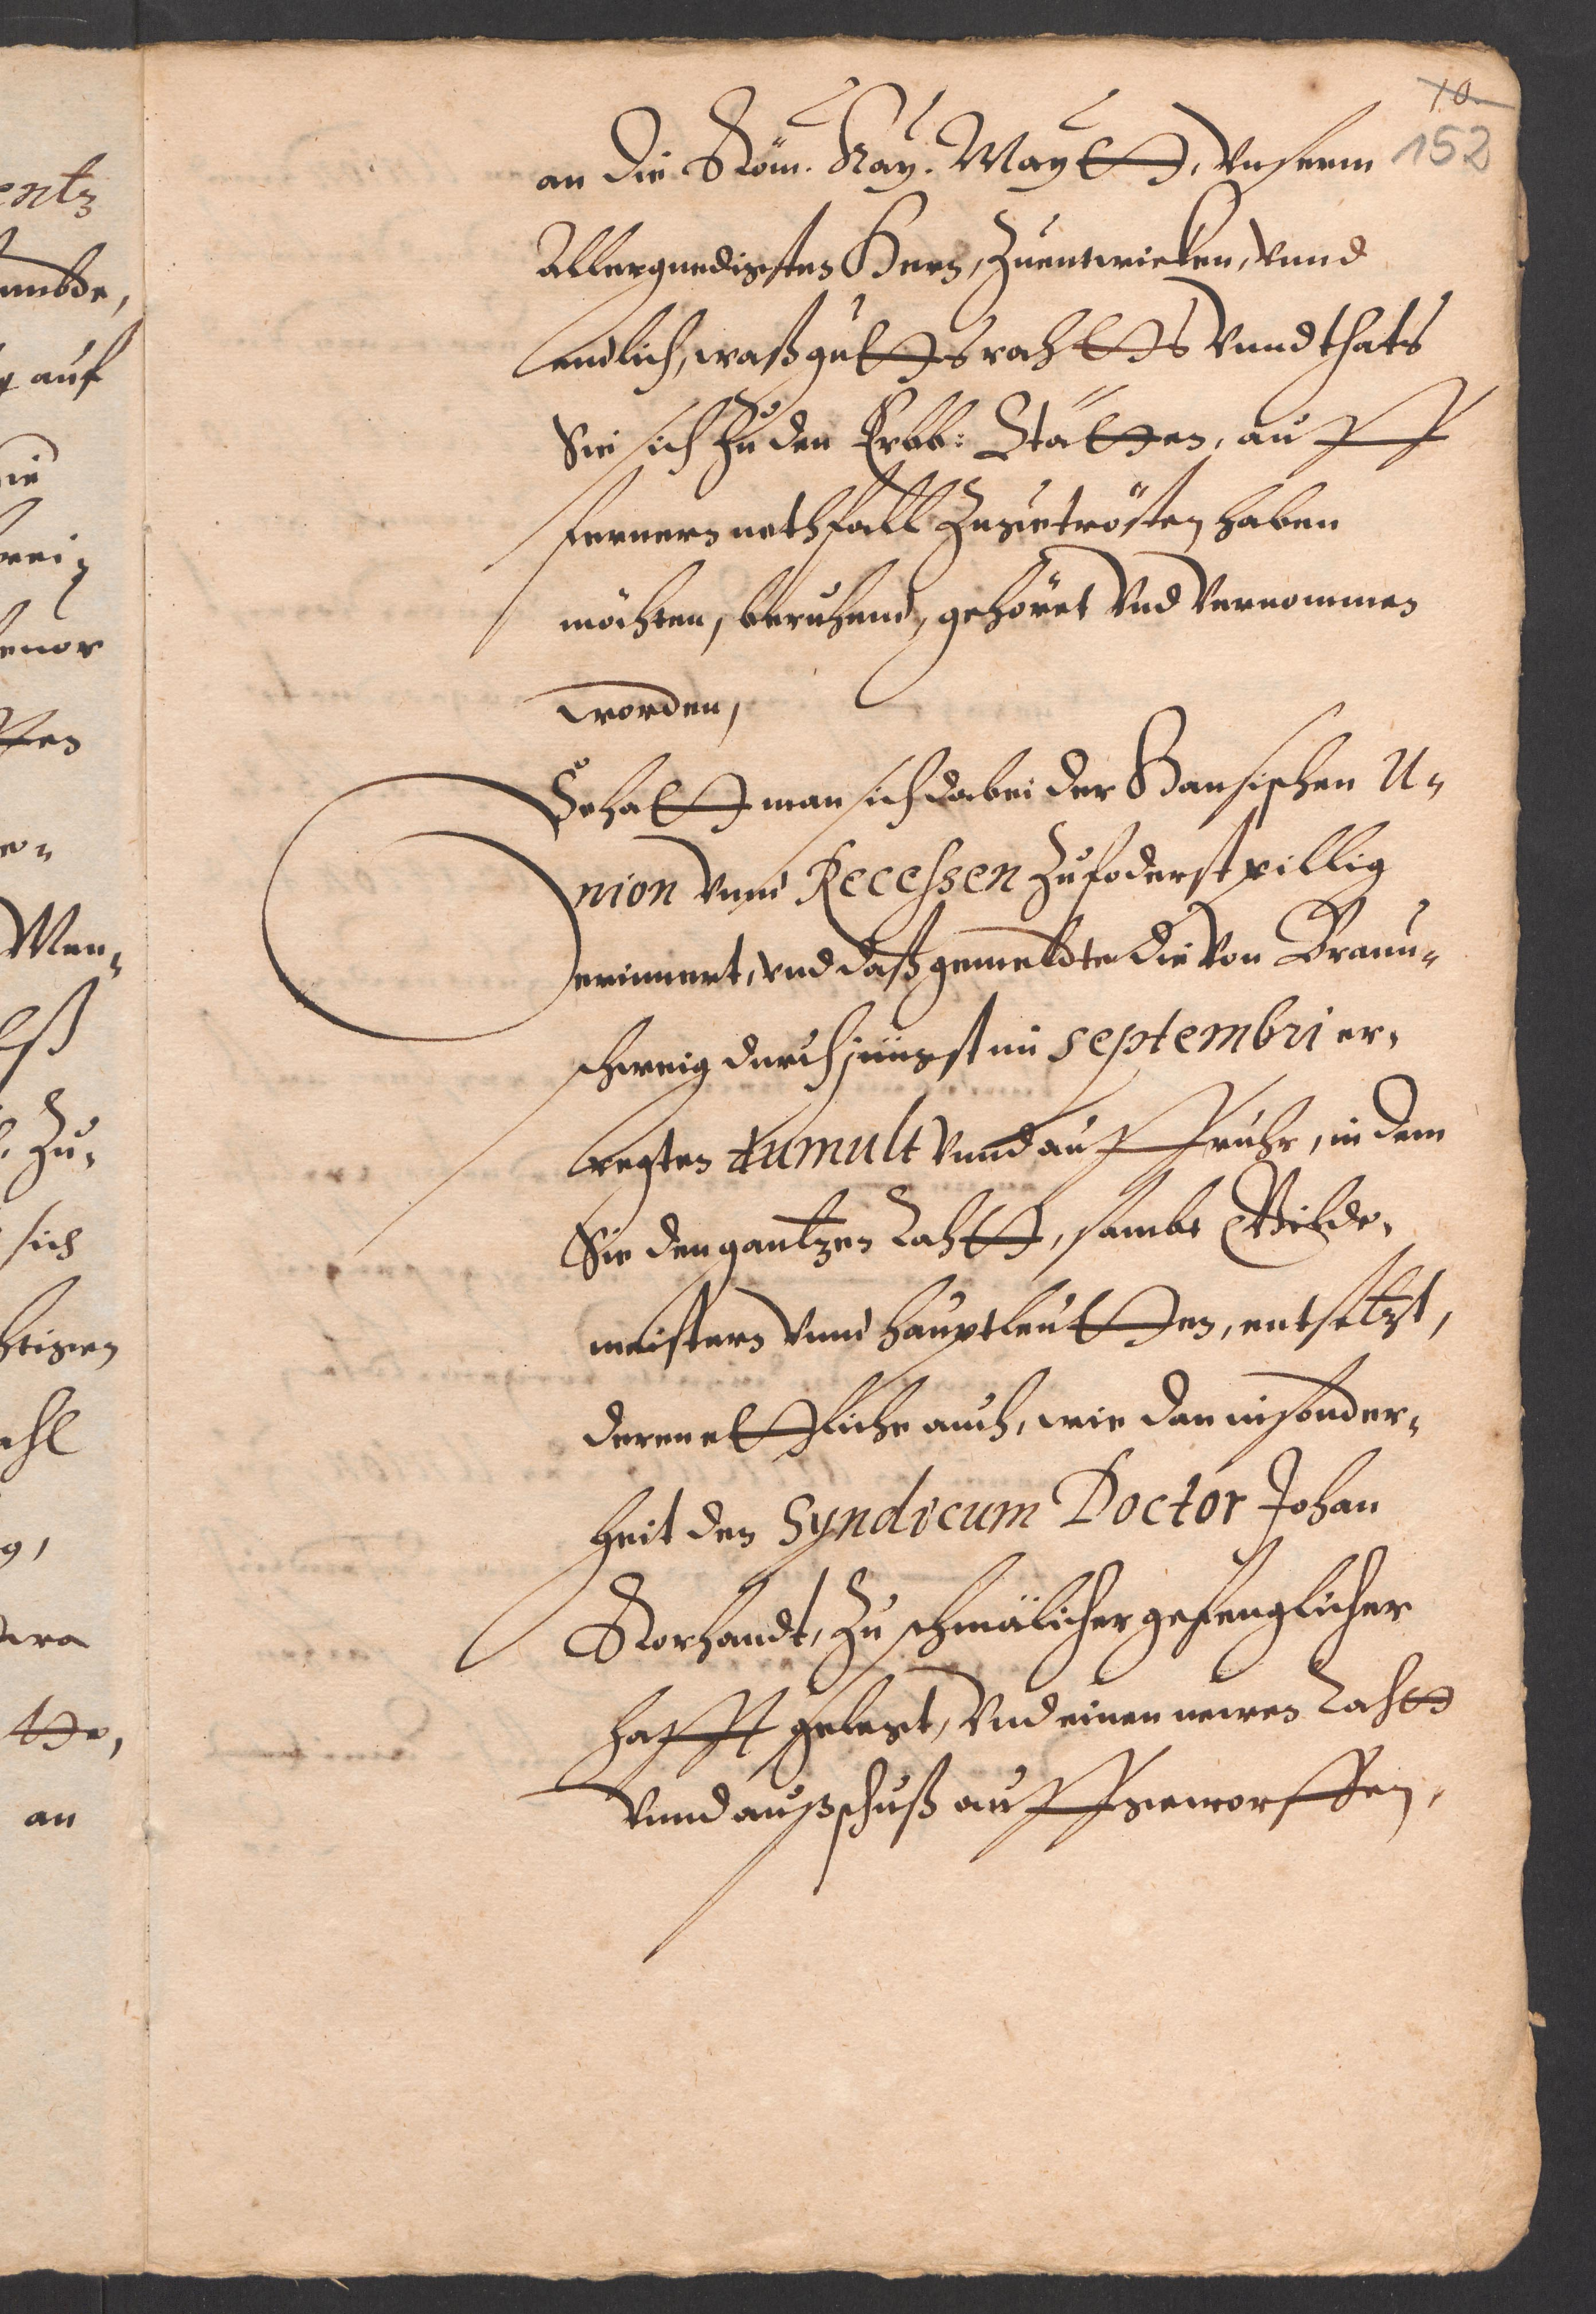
10
an die Röm. Kay. Maytt. vnserm
allergnedigsten Hern, zuentwirken, vnnd
endlich, waß gutts rahtts vnnd thats
Sie sich zu den Erbb: Stätten, auff
fernern nothfall zugetrösten haben
möchten, beruhend, gehöret vnd vernommen
worden,
So hatt man sich dabei der Hansischen U¬
nion vnnd Recessen zufoderst pillig
erinnert, vnd daß gemeldte die von Braun¬
schweig durch jüngst in septembri er¬
regten tumult vnnd auffruhr, in dem
Sie den gantzen Rahtt, sambt Gilde¬
meistern vnnd hauptleutten, entsetzt,
deren ettliche auch, wie dan insonder¬
heit den syndicum Doctor Johan
Rorhandt, zu schmälicher gefenglicher
haftt gelegt, vnd einen newen Rahtt
vnnd außschuß auffgeworffen,
